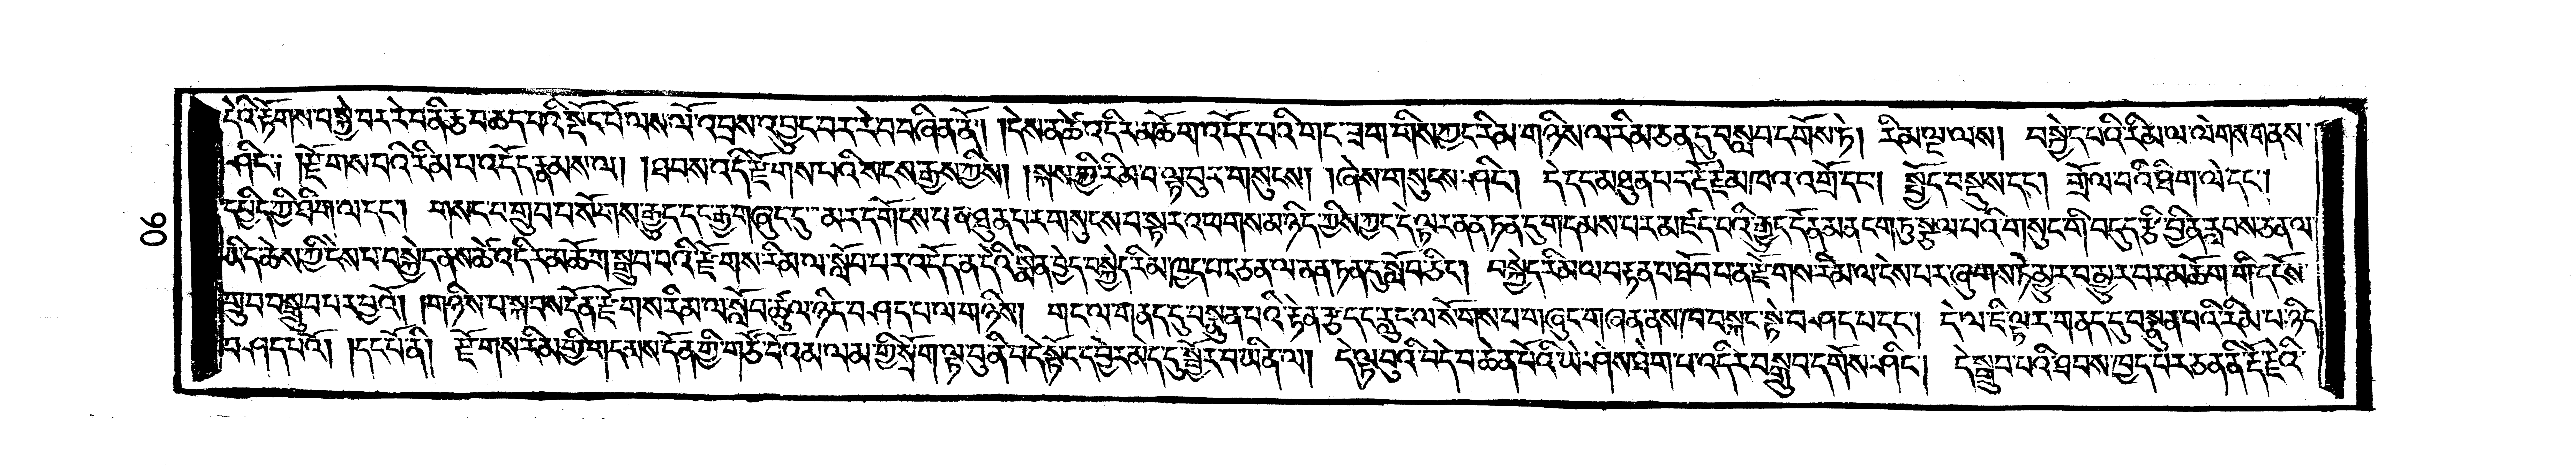དེའི་རྟོགས་པ་སྐྱེ་བར་རེ་བ་ནི་རྩ་བ་ཆད་པའི་སྡོང་པོ་ལས་ལོ་འབྲས་འབྱུང་བར་རེ་བ་བཞིན་ནོ། །དེས་ན་ཚེ་འདིར་མཆོག་འདོད་པའི་གང་ཟག་གིས་ཀྱང་རིམ་གཉིས་ལ་རིམ་ཅན་དུ་བསླབ་དགོས་ཏེ། རིམ་ལྔ་ལས། བསྐྱེད་པའི་རིམ་ལ་ལེགས་གནས་
ཤིང་། །རྫོགས་པའི་རིམ་པ་འདོད་རྣམས་ལ། །ཐབས་འདི་རྫོགས་པའི་སངས་རྒྱས་ཀྱིས། །སྐས་ཀྱི་རིམ་པ་ལྟ་བུར་གསུངས། །ཞེས་གསུངས་ཤིང་། དེ་དང་མཐུན་པར་རྡོ་རྗེ་མཁའ་འགྲོ་དང་། སྤྱོད་བསྡུས་དང་། གྲོལ་བའི་ཐིག་ལེ་དང་།
དཔིད་ཀྱི་ཐིག་ལེ་དང་། གསང་བ་གྲུབ་པ་སོགས་རྒྱུད་དང་རྒྱ་གཞུང་དུ་མར་དགོངས་པ་མཐུན་པར་གསུངས་པ་ལྟར་འཕགས་མ་ཉིད་ཀྱིས་ཀྱང་དེ་ལྟར་ནན་ཏན་དུ་གདམས་པར་མཛད་པའི་རྒྱུད་དོན་མན་ངག་ཏུ་སྩལ་བའི་གསུང་གི་བདུད་རྩི་བྱིན་རླབས་ཅན་ལ་
ཡིད་ཆེས་ཀྱི་ངེས་པ་བསྐྱེད་ནས་ཚེ་འདིར་མཆོག་སྒྲུབ་པའི་རྫོགས་རིམ་ལ་སློབ་པར་འདོད་ན་དེའི་སྨིན་བྱེད་བསྐྱེད་རིམ་ཁྱད་པར་ཅན་ལ་ནན་ཏན་དུ་སློབ་ཅིང་། བསྐྱེད་རིམ་ལ་བརྟན་པ་ཐོབ་པ་ན་རྫོགས་རིམ་ལ་ངེས་པར་ཞུགས་ཏེ་མྱུར་བ་མྱུར་བར་མཆོག་གི་དངོས་
གྲུབ་བསྒྲུབ་པར་བྱའོ། །གཉིས་པ་སྐབས་དོན་རྫོགས་རིམ་ལ་སློབ་ཚུལ་ཉིད་བཤད་པ་ལ་གཉིས། གང་ལ་གནད་དུ་བསྣུན་པའི་རྟེན་རྩ་དང་རླུང་ལ་སོགས་པ་གཞུང་གཞན་ནས་ཁ་བསྐང་སྟེ་བཤད་པ་དང་། དེ་ལ་ཇི་ལྟར་གནད་དུ་བསྣུན་པའི་རིམ་པ་ཉིད་
བཤད་པའོ། །དང་པོ་ནི། རྫོགས་རིམ་གྱི་གདམས་དོན་གྱི་གཙོ་བོའམ་ལམ་གྱི་སྲོག་ལྟ་བུ་ནི་བདེ་སྟོང་དབྱེར་མེད་དུ་སྦྱོར་བ་ཡིན་ལ། དེ་ལྟ་བུའི་བདེ་བ་ཆེན་པོའི་ཡེ་ཤེས་ཐེག་པ་འདིར་བསྒྲུབ་དགོས་ཤིང་། དེ་སྒྲུབ་པའི་ཐབས་ཁྱད་པར་ཅན་ནི་རྡོ་རྗེའི་